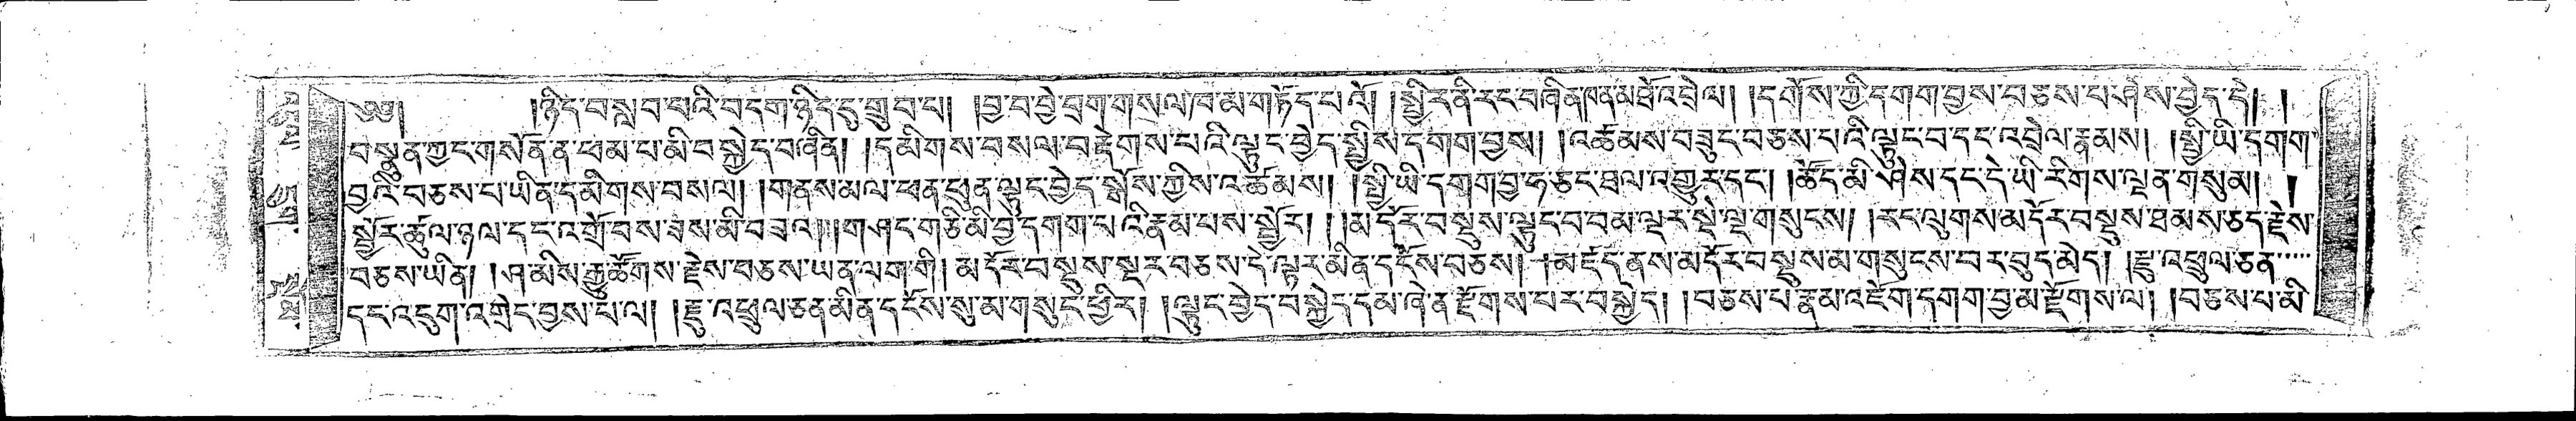༄༅། །ཉིད་བསླབ་པའི་བདག་ཉིད་དུ་གྲུབ་པ། །བྱ་བ་བྱེ་བྲག་གསལ་ཁ་མ་གཏོད་པའོ། །སྤྱིར་ནི་རང་བཞིན་ཁ་ན་མཐོ་འབྲེལ། །དགོས་ཀྱི་དགག་བྱས་བཅས་པ་ཤེས་བྱེད་དེ། །
བསྣུན་ཀྱང་གསོན་ན་ཕམ་པ་མི་བསྐྱེད་བཞིན། །དམིགས་བསལ་བརྡེགས་པའི་ལྟུང་བྱེད་སྤྱིས་དགག་བྱས། །འཚམས་བཟུང་བཅས་པའི་ལྟུང་བ་དང་འབྲེལ་རྣམས། །སྤྱི་ཡི་དགག་
བྱའི་བཅས་པ་ཡིན་དམིགས་བསལ། །གནས་མལ་ཕན་ཕུན་ལྟུང་བྱེད་སྒོས་ཀྱིས་འཚམས། །སྤྱི་ཡི་དགག་བྱ་ཧ་ཅང་ཐལ་འགྱུར་དང་། །ཚོད་མི་ཤེས་དང་དེ་ཡི་རིགས་ལྡན་གསུམ། །
སྦྱོར་ཚུལ་ཉལ་དང་འགྲོ་བས་ཟས་མི་བཟའ། །གཤང་གཅི་མི་བྱ་དགག་པའི་རྣམ་པས་སྦྱོར། །མདོར་བསྡུས་ལྟུང་བ་བམ་ལྔར་སྡེ་ལྔ་གསུངས། །རང་ལུགས་མདོར་བསྡུས་ཐམས་ཅད་རྗེས་
བཅས་ཡིན། །ཤ་མིས་རྒྱུ་ཚོགས་རྗེས་བཅས་ཡན་ལག་གི །མདོར་བསྡུས་སྔར་བཅས་དེ་ལྟར་མིན་དངོས་བཅས། །མཛད་ནས་མདོར་བསྡུས་མ་གསུངས་པར་བུད་མེད། །རྫུ་འཕྲུལ་ཅན་
དང་འདུག་འགྲེང་བྱས་པ་ལ། །རྫུ་འཕྲུལ་ཅན་མིན་དངོས་སུ་མ་གསུང་ཕྱིར། །ལྟུང་བྱེད་བསྐྱེད་དམ་ཞེ་ན་རྫོགས་པར་བསྐྱེད། །བཅས་པ་རྣམ་འཇོག་དགག་བྱ་མ་རྫོགས་ལ། །བཅས་པ་མི་